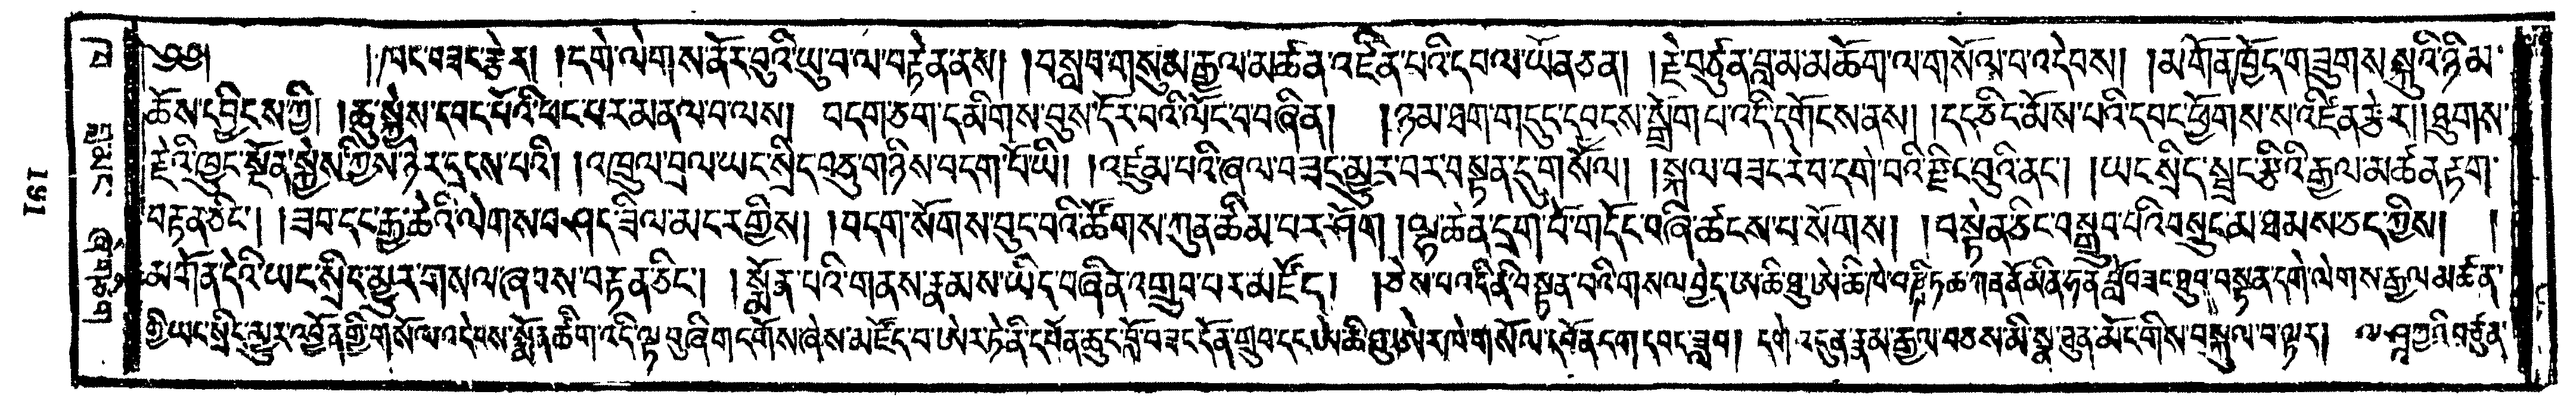༄༅། །ཁང་བཟང་རྩེར། །དགེ་ལེགས་ནོར་བུའི་ཡུ་བ་ལ་བརྟེན་ནས། །བསླབ་གསུམ་རྒྱལ་མཚན་འཛིན་པའི་དཔལ་ཡོན་ཅན། །རྗེ་བཙུན་བླ་མ་མཆོག་ལ་གསོལ་བ་འདེབས། །མགོན་ཁྱོད་གཟུགས་སྐུའི་ཉི་མ་
ཆོས་དབྱིངས་ཀྱི། །ཆུ་སྐྱེས་དབང་པོའི་ཕང་པར་མནལ་བ་ལས། བདག་ཅག་དམིགས་བུས་དོར་བའི་ལོང་བ་བཞིན། །ཉམ་ཐག་གདུང་དབྱངས་སྒྲོག་པ་འདི་དགོངས་ནས། །དད་ཅིང་མོས་པའི་དབང་ཕྱོགས་ས་འཛིན་རྩེར། །ཐུགས་
རྗེའི་ཁྱུང་སྔོན་སྐྱེས་ཀྱིས་ཉེར་དྲངས་པའི། །འཁྲུལ་བྲལ་ཡང་སྲིད་བཅུ་གཉིས་བདག་པོ་ཡི། །འཛུམ་པའི་ཞལ་བཟང་མྱུར་བར་བསྟན་དུ་གསོལ། །སྐལ་བཟང་རེ་བ་དགེ་བའི་རྫིང་བུའི་ནང་། །ཡང་སྲིད་སྦྲང་རྩིའི་རྒྱལ་མཚན་རྟག་
བརྟན་ཅིང་། །ཟབ་དང་རྒྱ་ཆེའི་ལེགས་བཤད་ཟིལ་མངར་གྱིས། །བདག་སོགས་བུང་བའི་ཚོགས་ཀུན་ཚིམ་པར་ཤོག །ལྷ་ཆེན་དྲག་པོ་གདོང་བཞི་ཚངས་པ་སོགས། །བསྟེན་ཅིང་བསྒྲུབ་པའི་བསྲུང་མ་ཐམས་ཅད་ཀྱིས། །
མགོན་དེའི་ཡང་སྲིད་མྱུར་གསལ་ཞབས་བརྟན་ཅིང་། །སྨོན་པའི་གནས་རྣམས་ཡིད་བཞིན་འགྲུབ་པར་མཛོད། །ཅེས་པ་འདི་ནི་བསྟན་པའི་གསལ་བྱེད་ཨ་ཆི་ཐུ་ཨེ་ཆི་ཁེ་བཎྜི་ཏ་ཆ་ཀན་ནོ་མིན་ཧན་བློ་བཟང་ཐུབ་བསྟན་དགེ་ལེགས་རྒྱལ་མཚན་
གྱི་ཡང་སྲིད་མྱུར་འབྱོན་གྱི་གསོལ་འདེབས་སྨོན་ཚིག་འདི་ལྟ་བུ་ཞིག་དགོས་ཞེས་མཛོད་པ་ཨེར་ཏེ་ནི་དཔོན་ཆུང་བློ་བཟང་དོན་གྲུབ་དང་ཨེ་ཆི་ཐུ་ཨེར་ཁེ་གསོལ་དཔོན་ངག་དབང་ཟླ་བ། དགེ་འདུན་རྣམ་རྒྱལ་བཅས་མི་སྣ་ཐུན་མོང་གིས་བསྐུལ་བ་ལྟར། ༧་ཤཱཀྱའི་བཙུན་